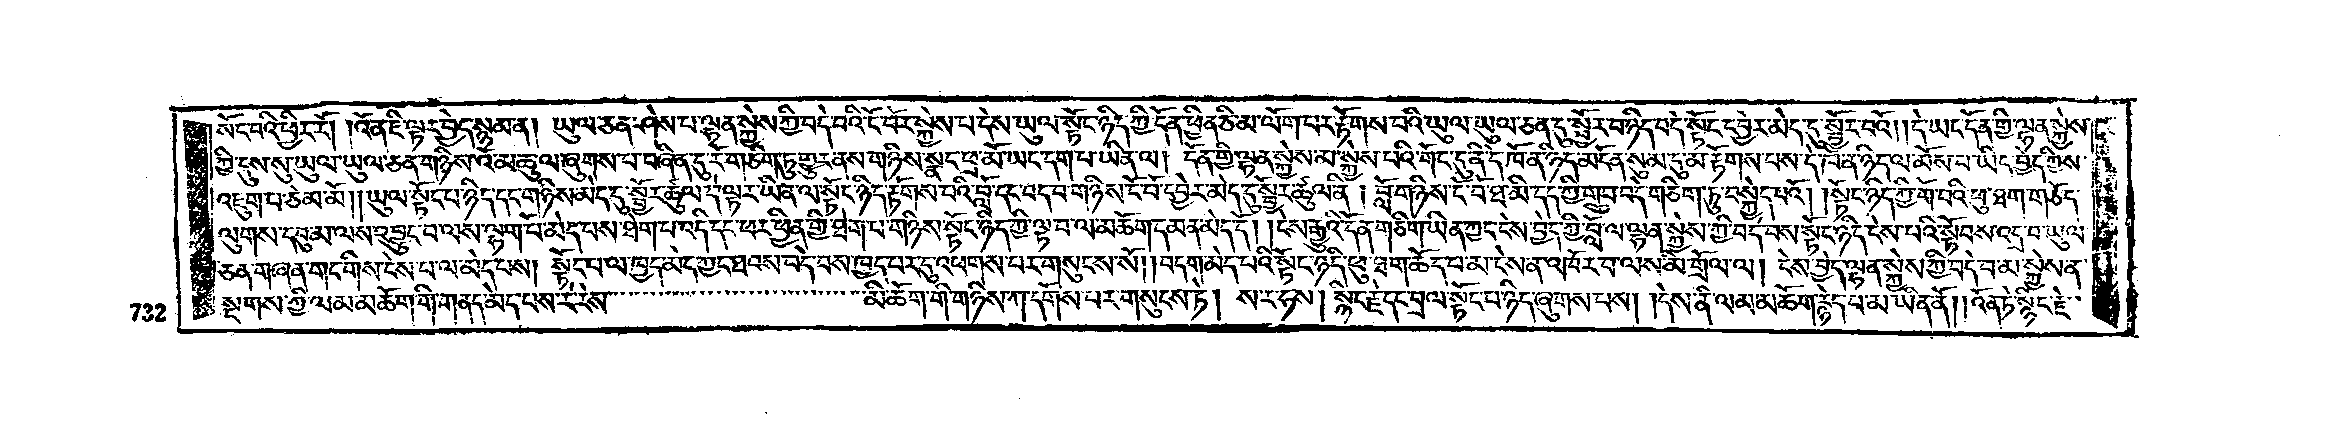སོང་བའི་ཕྱིར་རོ། །འོ་ན་ཇི་ལྟར་བྱེད་སྙམ་ན། ཡུལ་ཅན་ཤེས་པ་ལྷན་སྐྱེས་ཀྱི་བདེ་བའི་ངོ་བོར་སྐྱེས་པ་དེས་ཡུལ་སྟོང་ཉིད་ཀྱི་དོན་ཕྱིན་ཅི་མ་ལོག་པར་རྟོགས་པའི་ཡུལ་ཡུལ་ཅན་དུ་སྦྱོར་བ་ཉིད་བདེ་སྟོང་དབྱེར་མེད་དུ་སྦྱོར་བའོ། །དེ་ཡང་དོན་གྱི་ལྷན་སྐྱེས་
ཀྱི་དུས་སུ་ཡུལ་ཡུལ་ཅན་གཉིས་འོ་མ་ཆུ་ལ་ཞུགས་པ་བཞིན་དུ་རོ་གཅིག་ཏུ་གྱུར་ནས་གཉིས་སྣང་ཕྲ་མོ་ཡང་དག་པ་ཡིན་ལ། དོན་གྱི་ལྷན་སྐྱེས་མ་སྐྱེས་པའི་གོང་དུ་ནི་དེ་ཁོ་ན་ཉིད་མངོན་སུམ་དུ་མ་རྟོགས་པས་དེ་ཁོ་ན་ཉིད་ལ་མོས་པ་ཡིད་བྱེད་ཀྱིས་
འཇུག་པ་ཙམ་མོ། །ཡུལ་སྟོང་པ་ཉིད་དང་གཉིས་མེད་དུ་སྦྱོར་ཚུལ་དེ་ལྟར་ཡིན་ལ་སྟོང་ཉིད་རྟོགས་པའི་བློ་དང་བདེ་བ་གཉིས་ངོ་བོ་དབྱེར་མེད་དུ་སྦྱོར་ཚུལ་ནི། བློ་གཉིས་ངོ་བོ་ཐ་མི་དད་ཀྱི་གྲུབ་བདེ་གཅིག་ཏུ་བསྐྱེད་པའོ། །སྟོང་ཉིད་ཀྱི་གོ་བའི་ཕུ་ཐག་གཅོད་
ལུགས་དབུ་མ་ལས་འབྱུང་བ་ལས་ལྷག་པོ་མེད་པས་ཐེག་པ་འདི་དང་ཕར་ཕྱིན་གྱི་ཐེག་པ་གཉིས་སྟོང་ཉིད་ཀྱི་ལྟ་བ་ལ་མཆོག་དམན་མེད་དོ། །ངེས་རྒྱུའི་དོན་གཅིག་ཡིན་ཀྱང་ངེས་བྱེད་ཀྱི་བློ་ལ་ལྷན་སྐྱེས་ཀྱི་བདེ་བས་སྟོང་ཉིད་ངེས་པའི་སྟོབས་འདྲ་བ་ཡུལ་
ཅན་གཞན་གང་གིས་ངེས་པ་ལ་མེད་པས། སྟོང་པ་ལ་ཁྱད་མེད་ཀྱང་ཐབས་བདེ་བས་ཁྱད་པར་དུ་འཕགས་པར་གསུངས་སོ། །བདག་མེད་པའི་སྟོང་ཉིད་ཕུ་ཐག་ཆོད་པ་མ་ངེས་ན་འཁོར་བ་ལས་མི་གྲོལ་ལ། ངེས་བྱེད་ལྷན་སྐྱེས་ཀྱི་བདེ་བ་མ་སྐྱེས་ན་
སྔགས་ཀྱི་ལམ་མཆོག་གི་གནད་མེད་པས་རེ་རེས་མི་ཆོག་གི་གཉིས་ཀ་དགོས་པར་གསུངས་ཏེ། ས་ར་ཧས། སྙིང་རྗེ་དང་བྲལ་སྟོང་པ་ཉིད་ཞུགས་པས། །དེས་ནི་ལམ་མཆོག་རྙེད་པ་མ་ཡིན་ནོ། །འོན་ཏེ་སྙིང་རྗེ་